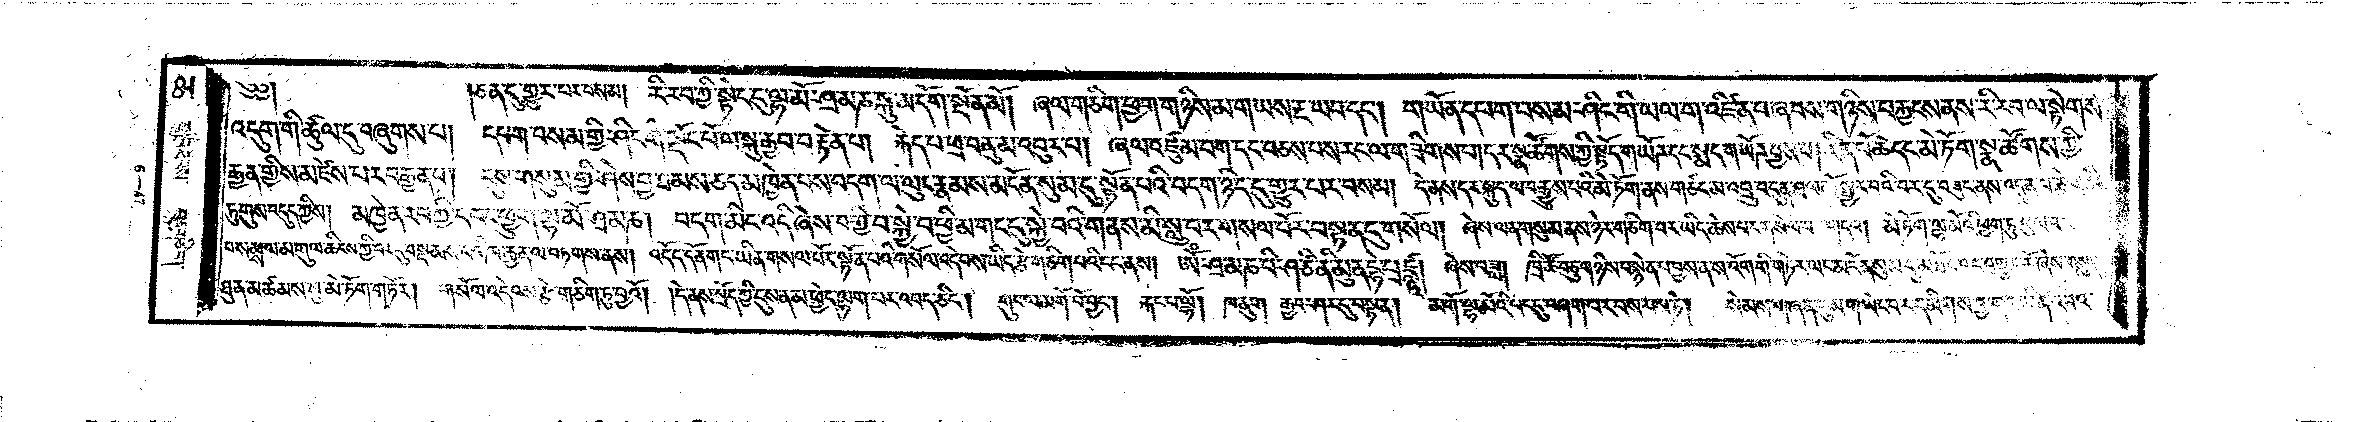༄༅། །ཅན་དུ་གྱུར་པར་བསམ།  རི་རབ་ཀྱི་སྟེང་དུ་ལྷ་མོ་ཤྲ་མཎ་སྐུ་མདོག་སྔོན་མོ། ཞལ་གཅིག་ཕྱག་གཉིས་མ་གཡས་རྔ་ཡབ་དང་། གཡོན་དཔག་བསམ་ཤིང་གི་ཡལ་ག་འཛིན་པ་ཞབས་གཉིས་བརྐྱངས་ནས་རི་རབ་ལ་སྟེགས་
འདུག་གི་ཚུལ་དུ་བཞུགས་བ། དཔག་བསམ་གྱི་ཤིང་གི་སྡོང་པོ་ལ་སྐུ་རྒྱབ་བརྟེན་པ། རྐེད་པ་ཕྲ་བ་ནུ་མ་འབུར་པ། ཞལ་འཛུམ་བག་དང་བཅས་པས་རང་ལ་གཟིགས་པ། དར་སྣ་ཚོགས་ཀྱི་སྟོད་གཡོཌ་དང་སྨད་གཡོཌ་བྱས་པ། རིན་པོ་ཆེ་དང་མེ་ཏོག་སྣ་ཚོགས་ཀྱི་
རྒྱན་གྱིས་མཛེས་པར་བརྒྱན་པ། དུས་གསུམ་གྱི་ཤེས་བྱ་ཐམས་ཅད་མཁྱེན་པས་བདག་ལ་ལུང་རྣམས་མངོན་སུམ་དུ་སྟོན་པའི་བདག་ཉིད་དུ་གྱུར་པར་བསམ། དེ་ནས་དར་སྐུད་ལ་བརྒྱུས་པའི་མེ་ཏོག་ནས་གཙང་མ་འབྲུ་བདུན་ཐལ་མོ་སྦྱར་བའི་བར་དུ་བཟུང་ནས་འདུན་པ་རྩེ་གཅིག་
ཏུ་གུས་འདུད་ཀྱིས། མཁྱེན་རབ་ཀྱི་དབང་ཕྱུག་ལྷ་མོ་ཤྲ་མཎ། བདག་མིང་འདི་ཞེས་བགྱི་བ་སྐྱེ་བ་ཕྱི་མ་གང་དུ་སྐྱེ་བའི་གནས་མི་སླུ་པར་གསལ་པོར་བསྟན་དུ་གསོལ། ཞེས་ལན་གསུམ་ནས་ཉེར་གཅིག་བར་ཡིད་ཆེས་པར་གསོལ་བ་གདབ། མེ་ཏོག་ལྷ་མོའི་ཕྱག་ཏུ་ཕུལ་བར་
བསམས་ལ་མགུལ་ཆིངས་ཀྱི་བར་དུ་བསྡམས་པའི་ཁ་རྒྱན་ལ་བཏགས་ནས། འདོད་དོན་གང་ཡིན་གསལ་བོར་སྟོན་པའི་གསོལ་འདེབས་ཡིད་རྩེ་གཅིག་པའི་ངང་ནས། ཨོཾ་ཤྲ་མཎ་བི་ཤ་ཙི་ནི་མུན་དྷེ་པྲཛྙཱ། ཞེས་བཟླ། ཁྲི་ཚོ་བཅུ་གཉིས་བསྙེན་པ་བྱས་ན་ས་འོག་གི་གཏེར་ཡང་མངོན་སུམ་དུ་མ་ཐོང་བར་འགྱུར་རོ་ཞེས་གསུངས།
ཐུན་མཚམས་སུ་མེ་ཏོག་གཏོར། གསོལ་འདེབས་རྩེ་གཅིག་ཏུ་བྱའོ། །དེ་ནས་སྲོད་ཀྱི་དུས་ནམ་ཕྱེད་ལྷག་པར་འབད་ཅིང་། གུང་ལ་མགོ་བོ་བྱང་། རྐང་པ་ལྷོ། ཁ་ནུབ། རྒྱབ་ཤར་དུ་བསྟན། མགོ་ལྷ་མོའི་དང་དུ་བཞག་པར་བསམས་ཏེ། སེམས་གཞན་དུ་མ་གཡེང་བར་དམིགས་བྱ་གང་ཡིན་འབའ་